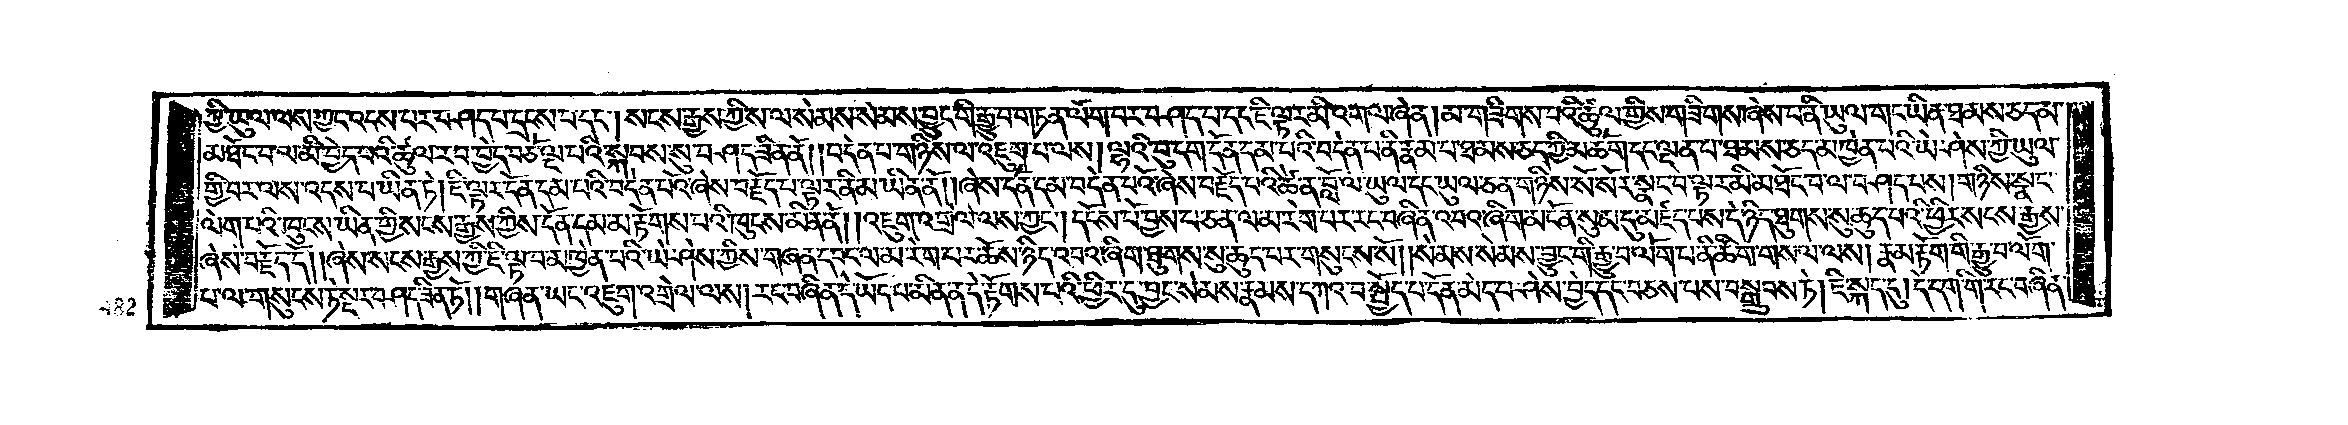ཀྱི་ཡུལ་ལས་ཀྱང་འདས་པར་བཤད་པ་དྲངས་པ་དང་། སངས་རྒྱས་ཀྱི་ལ་སེམས་སེམས་བྱུང་གི་རྒྱུ་བ་གཏན་ལོག་པར་བཤད་པ་དང་ཇི་ལྟར་མི་འགལ་ཞེ་ན། མ་གཟིགས་པའི་ཚུལ་གྱིས་གཟིགས་ཞེས་པ་ནི་ཡུལ་གང་ཡིན་ཐམས་ཅད་མ་
མཐོང་བ་ལ་མི་བྱེད་པའི་ཚུལ་རབ་བྱེད་བཅོ་ལྔ་པའི་སྐབས་སུ་བཤད་ཟིན་ནོ། །བདེན་པ་གཉིས་ལ་འཇུག་པ་ལས། ལྷའི་བུ་དག་དོན་དམ་པའི་བདེན་པ་ནི་རྣམ་པ་ཐམས་ཅད་ཀྱི་མཆོག་དང་ལྡན་པ་ཐམས་ཅད་མཁྱེན་པའི་ཡེ་ཤེས་ཀྱི་ཡུལ་
གྱི་བར་ལས་འདས་པ་ཡིན་ཏེ། ཇི་ལྟར་དོན་དམ་པའི་བདེན་པའོ་ཞེས་བརྗོད་པ་ལྟར་ནི་མ་ཡིན་ནོ། །ཞེས་དོན་དམ་བདེན་པའོ་ཞེས་བརྗོད་པའི་ཚེ་ན་བློ་ལ་ཡུལ་དང་ཡུལ་ཅན་གཉིས་སོ་སོར་སྣང་བ་ལྟར་མི་མཐོང་བ་ལ་བཤད་པས། གཉིས་སྣང་
ལེག་པའི་ཁུངས་ཡིན་གྱི་སངས་རྒྱས་ཀྱིས་དོན་དམ་མ་རྟོགས་པའི་ཁུངས་མིན་ནོ། །འཇུག་འགྲེལ་ལས་ཀྱང་། དངོས་པོ་བྱས་པ་ཅན་ལ་མ་རེག་པར་རང་བཞིན་འབའ་ཞིག་མངོན་སུམ་དུ་མཛད་པས་དེ་ཉིད་ཐུགས་སུ་ཆུད་པའི་ཕྱིར་སངས་རྒྱས་
ཞེས་བརྗོད་དོ། །ཞེས་སངས་རྒྱས་ཀྱི་ཇི་ལྟ་བ་མཁྱེན་པའི་ཡེ་ཤེས་ཀྱིས་གཞན་དབང་ལ་མ་རེག་པར་ཆོས་ཉིད་འབའ་ཞིག་ཐུགས་སུ་ཆུད་པར་གསུངས་སོ། །སེམས་སེམས་བྱུང་གི་རྒྱུ་བ་ལོག་པ་ནི་ཚིག་གསལ་ལས། རྣམ་རྟོག་གི་རྒྱུ་བ་ལེག་
པ་ལ་གསུངས་ཏེ་སྔར་བཤད་ཟིན་ཏོ། །གཞན་ཡང་འཇུག་འགྲེལ་ལས། རང་བཞིན་དེ་ཡོད་པ་མིན་ན་དེ་རྟོགས་པའི་ཕྱིར་དུ་བྱང་སེམས་རྣམས་དཀའ་བ་སྤྱོད་པ་དོན་མེད་པ་ཤེས་བྱེད་དང་བཅས་པས་བསྒྲུབས་ཏེ། ཇི་སྐད་དུ། དེ་དག་གི་རང་བཞིན་